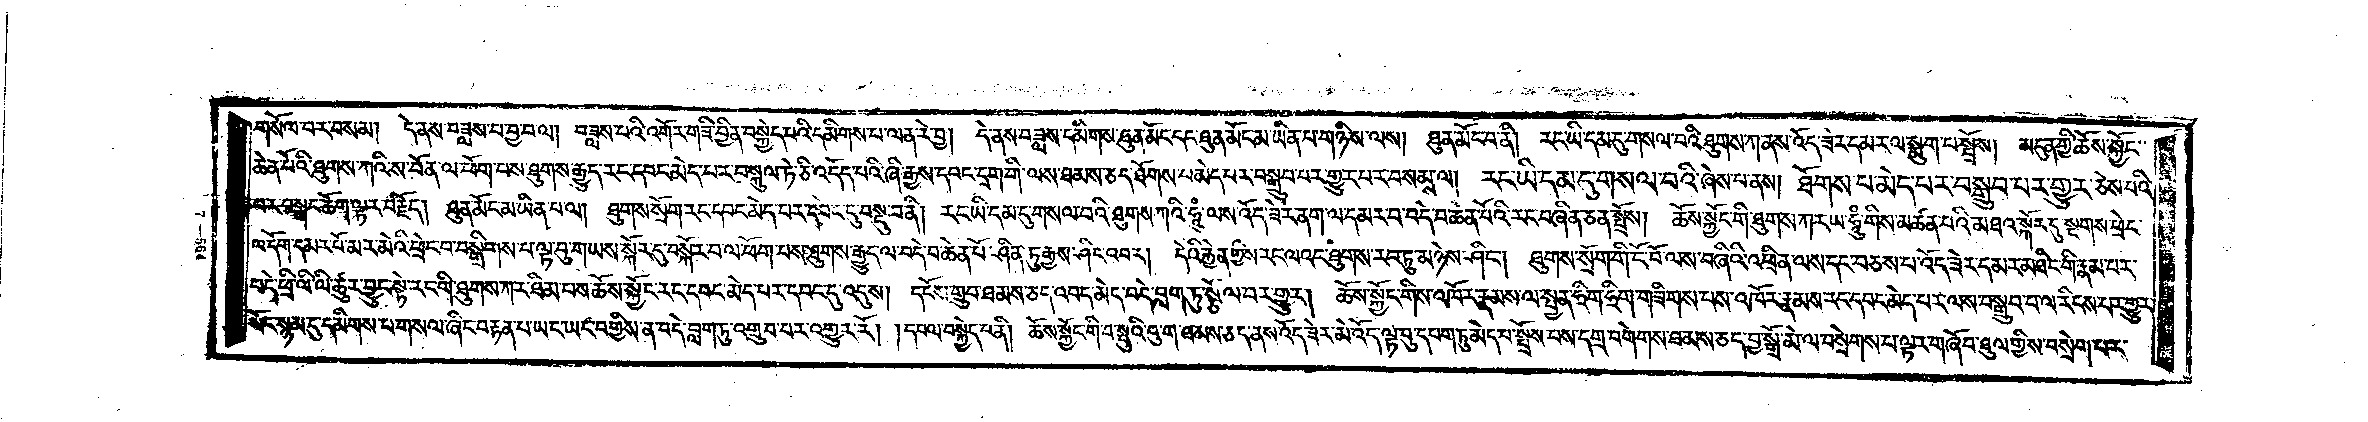གསོལ་བར་བསམ། ད་ནས་བཟླས་པ་བྱ་བ་ལ། བཟླ་བའི་འགོར་གཟི་བྱིན་བསྐྱེད་པའི་དམིགས་པ་ལན་རེ་བྱ། དེ་ནས་བཟླས་དམིགས་ཐུན་མོང་དང་ཐུན་མོང་མ་ཡིན་པ་གཉིས་ལས། ཐུན་མོང་བ་ནི། རང་ཡི་དམ་དུ་གསལ་བའི་ཐུགས་ཀ་ནས་འོད་ཟེར་དམར་ལ་སྨུག་པ་སྤྲོས། མདུན་གྱི་ཆོས་སྐྱོང་
ཆེན་པོའི་ཐུགས་ཀའི་ས་བོན་ལ་ཕོག་པས་ཐུགས་རྒྱུད་རང་དབང་མེད་པར་བསྐུལ་ཏེ་ཅི་འདོད་པའི་ཞི་རྒྱས་དབང་དྲག་གི་ལས་ཐམས་ཅད་ཐོགས་པ་མེད་པར་བསྒྲུབ་པར་གྱུར་པར་བསམས་ལ། རང་ཡི་དམ་དུ་གསལ་བའི་ཞེས་པ་ནས། ཐོགས་པ་མེད་པར་བསྒྲུབ་པར་གྱུར་ཅེས་པའི་
བར་བསྐང་ཆོག་ལྟར་བརྗོད། ཐུན་མོང་མ་ཡིན་པ་ལ། ཐུགས་སྲོག་རང་དབང་མེད་པར་དབང་དུ་བསྡུ་བ་ནི། རང་ཡི་དམ་དུ་གསལ་བའི་ཐུགས་ཀའི་ཧཱུཾ་ལས་འོད་ཟེར་ནག་ལ་དམར་བ་བདེ་བ་ཆེན་པོའི་རང་བཞིན་ཅན་སྤྲོས། ཆོས་སྐྱོང་གི་ཐུགས་ཀར་ཡ་ཧཱུཾ་གིས་མཚན་པའི་མཐའ་སྐོར་དུ་སྔགས་ཕྲེང་
ཁ་དོག་དམར་པོ་མར་མེའི་ཕྲེང་བ་བསྒྲིགས་པ་ལྟ་བུ་གཡས་སྐོར་དུ་བསྐོར་བ་ལ་ཕོག་པས་ཐུགས་རྒྱུད་ལ་བདེ་བ་ཆེན་པོ་ཤིན་ཏུ་རྒྱས་ཤིང་འབར། དེའི་རྐྱེན་གྱིས་རང་ལའང་ཐུགས་རབ་ཏུ་མཉེས་ཤིང་། ཐུགས་སྲོག་གི་ངོ་བོ་ལས་བཞིའི་འཕྲིན་ལས་དང་བཅས་པ་འོད་ཟེར་དམར་མཐིང་གི་རྣམ་པར་
བདེ་ཕྲི་ལི་ལི་ཚུར་བྱུང་སྟེ་རང་གི་ཐུགས་ཀར་ཐིམ་པས་ཆོས་སྐྱོང་རང་དབང་མེད་པར་དབང་དུ་འདུས། དངོས་གྲུབ་ཐམས་ཅད་འབད་མེད་བདེ་བླག་ཏུ་སྩོལ་བར་གྱུར། ཆོས་སྐྱོང་གིས་འཁོར་རྣམས་ལ་སྤྱན་ཧྲིག་ཧྲིག་གཟིགས་པས་འཁོར་རྣམས་རང་དབང་མེད་པར་ལས་བསྒྲུབ་པ་ལ་རིངས་པར་གྱུར་
སོང་སྙམ་དུ་དམིགས་པ་གསལ་ཞིང་བརྟན་པ་ཡང་ཡང་བགྱིས་ན་བདེ་བླག་ཏུ་འགྲུབ་པར་འགྱུར་རོ། །དཔལ་བསྐྱེད་པ་ནི། ཆོས་སྐྱོང་གི་བ་སྤུའི་བུ་ག་ཐམས་ཅད་ནས་འོད་ཟེར་མེ་འོད་ལྟ་བུ་དཔག་ཏུ་མེད་པ་སྤྲོས་པས་དགྲ་བགེགས་ཐམས་ཅད་བྱ་སྒྲོ་མེ་ལ་བསྲེགས་པ་ལྟར་གཞོབ་ཐུལ་གྱིས་བསྲེག་པར་